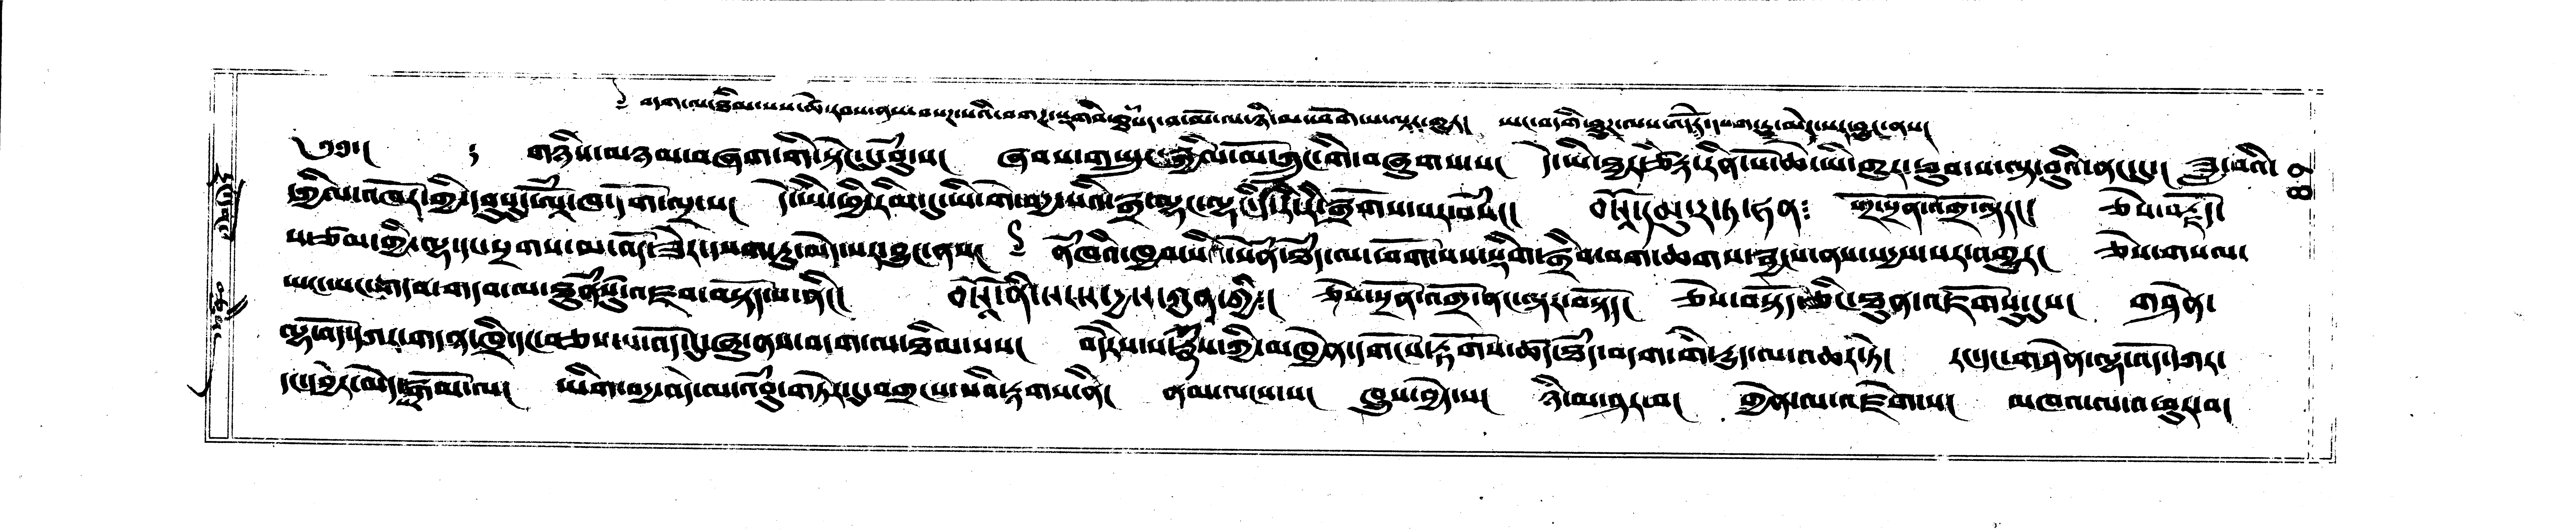གཉིས་མཉམ་གཞག་གི་སྟེང་དུ་བུམ་པ། ཞབས་གཡུང་དྲུང་སྐྱིལ་མོ་ཀྲུང་གིས་བཞུགས་པ། དེ་ཡི་ཐུགས་ཁར་ཙིརྟ་རིན་པོ་ཆེ་གུར་ཕུབ་པ་ལྟ་བུའི་ནང་དུ། ཟླ་བའི་
དཀྱིལ་འཁོར་གྱི་དབུས་སུ་ཨཱོྂ་ཁ་དོག་ལྔ་པ། དེ་ཡི་ཕྱི་རིམ་དུ་ཡི་གེ་བརྒྱ་པའི་སྒྲ་ལྷང་ལྷང་དི་རི་རི་སྒྲོགས་པར་བསམ། །བསྭོ་དམུ་ར་ཏ་ཧན་སོགས་སྔོན་འགྲོ་ལྟར། ཅེས་བརྗོད་
པ་ཙམ་གྱིས་ལྷ་དང་སྔགས་ལས་འོད་ཟེར་དཔག་ཏུ་མེད་པ་བྱུང་ནས། བདག་ལ་ཐིམ་པས་ཚེ་རབས་ནས་བསགས་པའི་བག་ཆགས་སྡིག་སྒྲིབ་ཐམས་ཅད་བ་མོ་ལ་ཉི་མ་ཕོག་པ་ལྟར་གྱུར། ཡང་བདག་གི་ཐུགས་ལ་འོད་ཟེར་དཔག་ཏུ་མེད་པ་བྱུང་ནས། ནམ་མཁས་ཁྱབ་པའི་སེམས་ཅན་ཐམས་ཅད་ལ་ཕོག་པས་སྡིག་སྒྲིབ་བག་ཆགས་སྦྱངས་ནས་སངས་རྒྱས་པར་གྱུར། ཅེས་གསལ་
ཡང་ཡང་གདབ་ལ་ཐུན་མཚམས་སུ་འཛབ་བསྟོད་པ་ནི། བསྭོ་ནི་སངས་རྒྱས་ཀུན་གྱི༑ ཅེས་སྔོན་འགྲོ་ནང་ལྟར་བསྟོད། ཅེས་བསྟོད་ཅིང་ཐུན་འཇོག་དུས་སུ། གཤེན་
ལྷ་འོད་དཀར་གདན་ཁྲི་དང་བཅས་པ་འོད་དུ་ཞུ་ནས་བདག་ལ་ཐིམ་པས། བདེ་བར་གཤེགས་པ་རྣམས་ཀྱི་མཁྱེན་དགོངས་རྟོགས་ཚད་ཐམས་ཅད་བདག་གི་རྒྱུད་ལ་འཆར་ཏེ། རང་དང་གཤེན་ལྷ་འོད་དཀར་
དང་དབྱེར་མེད་བསྒོམ་ལ། ཡིག་བརྒྱ་འདི་ལ་འབུམ་གཏེར་དུ་བགྲང་བའི་རྟགས་ནི། ནམ་ལངས་པ། ཁྲུས་བྱེད་པ། ཉི་མ་ཤར་བ། གྱེན་ལ་འཛེགས་པ། མཁའ་ལ་འཕུར་བ།